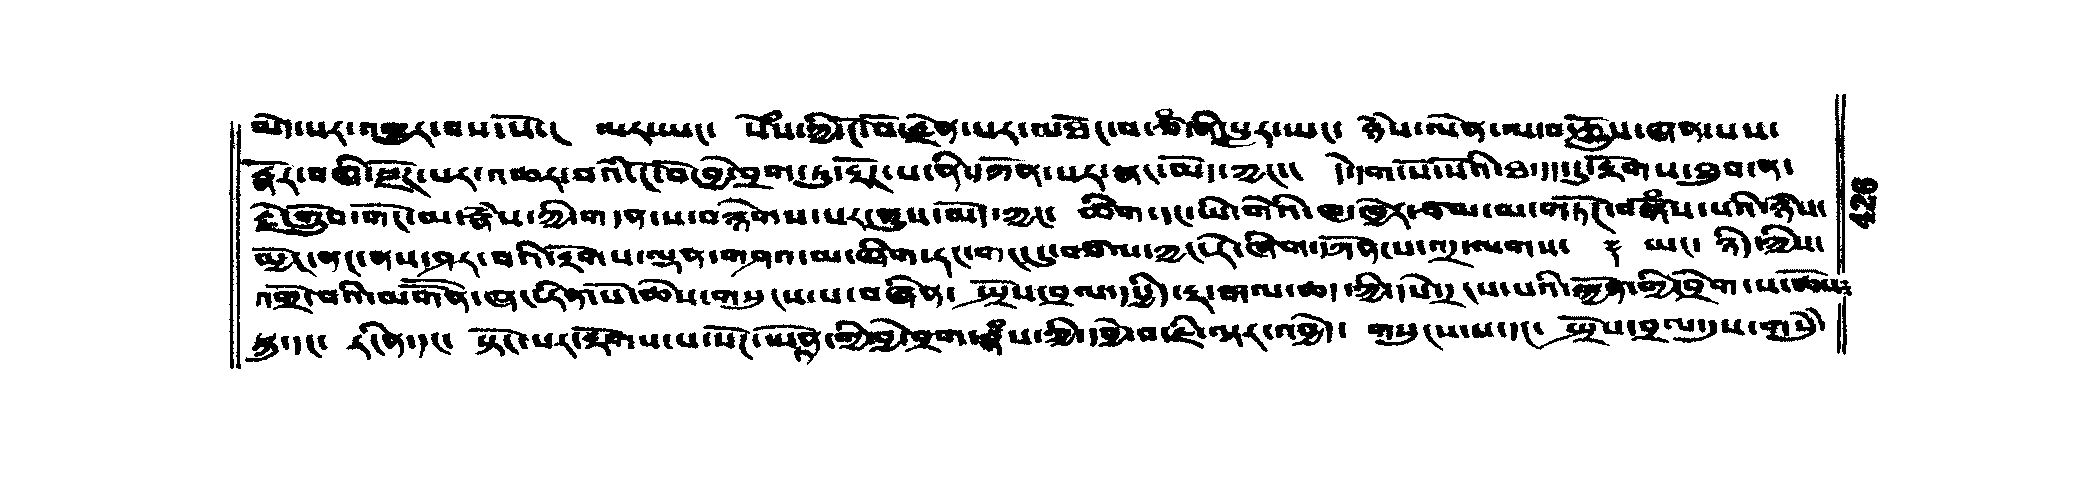མེད་པར་འགྱུར་བས་སོ། ལར་ཡང་། སེམས་ཀྱི་ངོ་བོ་རྗེན་པར་མཐོང་ཙམ་ནི་སླར་ཡང་། ཉམས་ལེན་ལ་བརྩོན་འགྲུས་ཞན་པས་
རྣལ་འབྱོར་བཞི་རྫོགས་པར་འཆར་བའམ་ངོ་བོ་བྱེ་བྲག་ཏུ་རྟོགས་པ་ནི་དཀོན་པར་སྣག་མོད་ཀྱང་། དེ་དག་ཀྱང་སོ་སོའི་ཐ་དད་དུ་རྟོགས་ཐུབ་ན་
རྗེ་དངོས་གྲུབ་གོང་མ་རྣམས་ཀྱི་གདན་ས་བསྙེགས་པར་ནུས་མོད་ཀྱང་། ཚིག་དང་ཡི་གེའི་ཁ་ཁྱེར་ཙམ་མ་གཏོགས་བསྒོམ་པའི་ཉམས་
མྱོང་ནང་ནས་ཤར་བའི་རྟོགས་ལྡན་གཤའ་མ་ཞིག་རང་གང་དུ་བཙལ་ཀྱང་རེ་ཞིག་དཀོན་པ་འདྲ་ལགས།༈ ཡང་ཉིད་ཀྱིས་
འགྲོ་བའི་མགོན་པོ་ཞང་རིན་པོ་ཆེས་གསུངས་པ་བཞིན། སྤྲོས་བྲལ་དཔྱིད་རྟ་སྒལ་ཆད་ཀྱི་་དཔེ་དྲངས་པའི་སྐྱོན་གྱི་བྱེ་བྲག་པ་ཆོས་
སྐུ་དང་། རང་བཞིན་དང་། སྟོང་པར་རྟོགས་པ་སོགས་ཡོན་ཏན་གྱི་བྱེ་བྲག་རྣམས་ཀྱི་དབྱེ་ཇི་ལྟར་འབྱེད་གསུངས་པ་དང་། སྤྲོས་བྲལ་དུས་གསུམ་